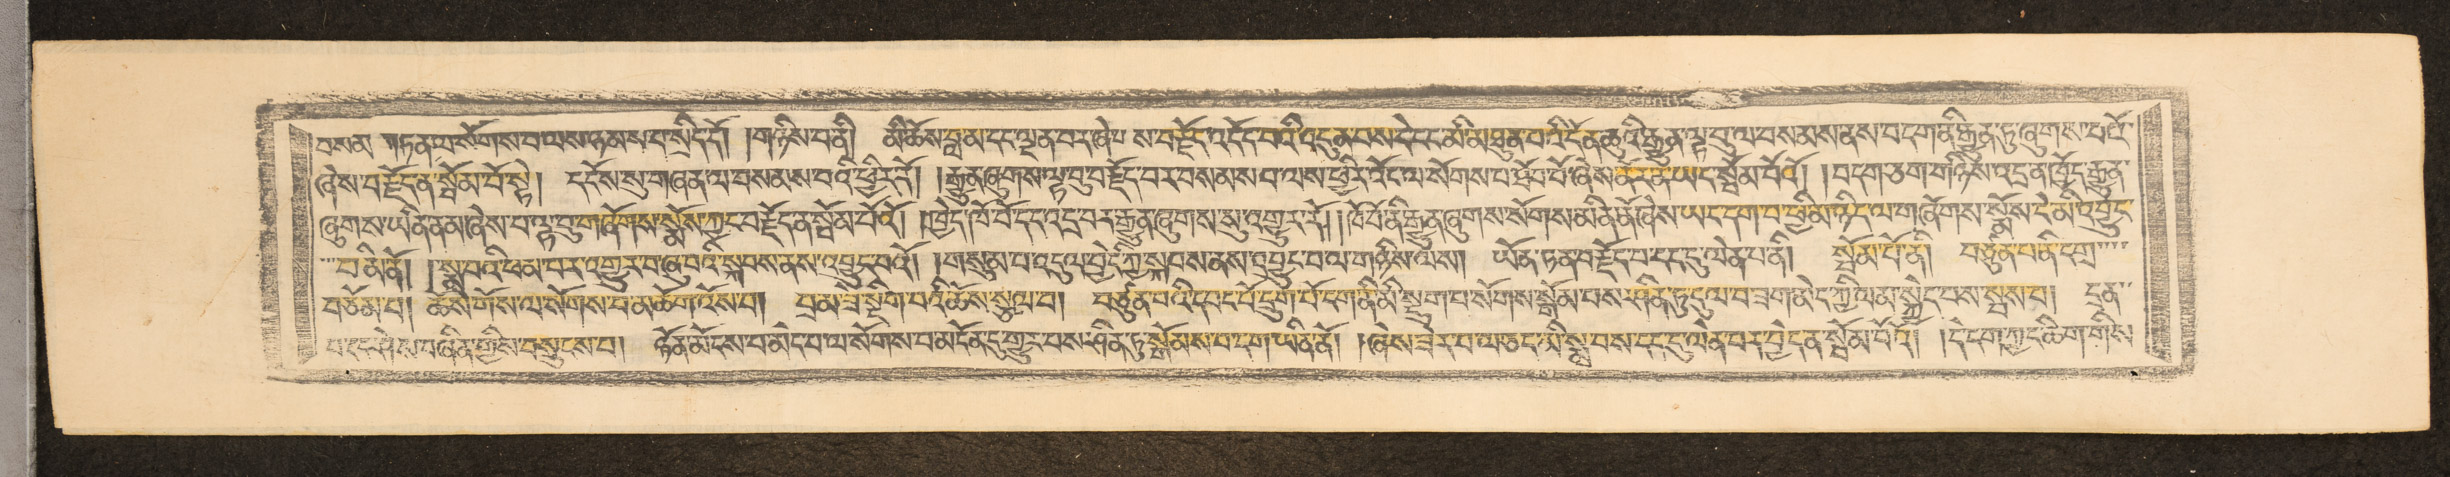བསམ་གཏན་ལ་སོགས་པ་ལས་ཉམས་པ་སྲིད་དོ། །གཉིས་པ་ནི། མི་ཆོས་བླ་མ་དང་ལྡན་པར་ཞེ་བས་བརྗོད་འདོད་པའི་འདུན་པས་དེ་དང་མི་མཐུན་པའི་དོན་ཆུའི་རྒྱུན་ལྟ་བུ་ལ་བསམས་ནས་བདག་ནི་རྒྱུན་ཏུ་ཞུགས་པའོ་
ཞེས་བརྗོད་ན་སྦོམ་པོ་སྟེ། དངོས་སུ་གཞན་ལ་བསམས་པའི་ཕྱིར་རོ། །རྒྱུན་ཞུགས་ལྟ་བུ་བརྗོད་པར་བསམས་པ་ལས་ཕྱིར་འོང་ལ་སོགས་པ་ཐོབ་བོ་ཞེས་ནོར་ན་ཡང་སྦོམ་པོའོ། །བདག་ཅག་གཉིས་འདྲ་ན་ཁྱོད་རྒྱུན་
ཞུགས་ཡིན་ནམ་ཞེས་པ་ལྟ་བུ་གཞོགས་སྨོས་ཀྱང་བརྗོད་ན་སྦོམ་པོའོ། །ཁྱེད་ཁོ་བོ་དང་འདྲ་བར་རྒྱུན་ཞུགས་སུ་འགྱུར་རོ། །ཁོ་བོ་ནི་རྒྱུན་ཞུགས་སོགས་མིན་ནོ་ཞེས་ཡང་དག་པ་ཕྱི་མ་ཉིད་ལ་གཞོགས་སྨོས་དེ་མི་འབྱུང་
བ་མིན་ནོ། །སྨྲ་བའི་ཕམ་པར་འགྱུར་བ་ཞུ་བའི་སྐབས་ནས་འབྱུང་བའོ། །གསུམ་པ་འདུལ་བྱེད་ཀྱི་སྐབས་ནས་འབྱུང་བ་ལ་གཉིས་ལས། ཡོན་ཏན་བརྗོད་པ་དང་དུ་ལེན་པ་ནི། སྦོམ་པོ་ནི། བཙུན་པ་ནི་དགྲ་
བཅོམ་པ། ཆོས་གོས་ལ་སོགས་པ་མཆོག་འོས་པ། བྲམ་ཟེ་སྡིག་པའི་ཆོས་སྩལ་བ། བཙུན་པའི་དབང་པོ་དྲུག་པོ་དག་ནི་མི་སྡུག་པ་སོགས་སྒོམ་པས་ཤིན་ཏུ་དུལ་བ་ཟག་མེད་ཀྱི་ལམ་སྐྱེད་པས་སྦས་པ། དྲན་
པ་དང་ཤེས་བཞིན་གྱིས་བསྲུངས་པ། ཉོན་མོངས་པ་མེད་པ་ལ་སོགས་པ་མངོན་དུ་གྱུར་པས་ཤིན་ཏུ་སྒོམས་པ་དག་ཡིན་ནོ། །ཞེས་ཟེར་བ་ལ་ཅང་མི་སྨྲ་བས་དང་དུ་ལེན་པར་བྱེད་ན་སྦོམ་པོའོ། །དེ་དག་ཀྱང་ཚིག་གིས་